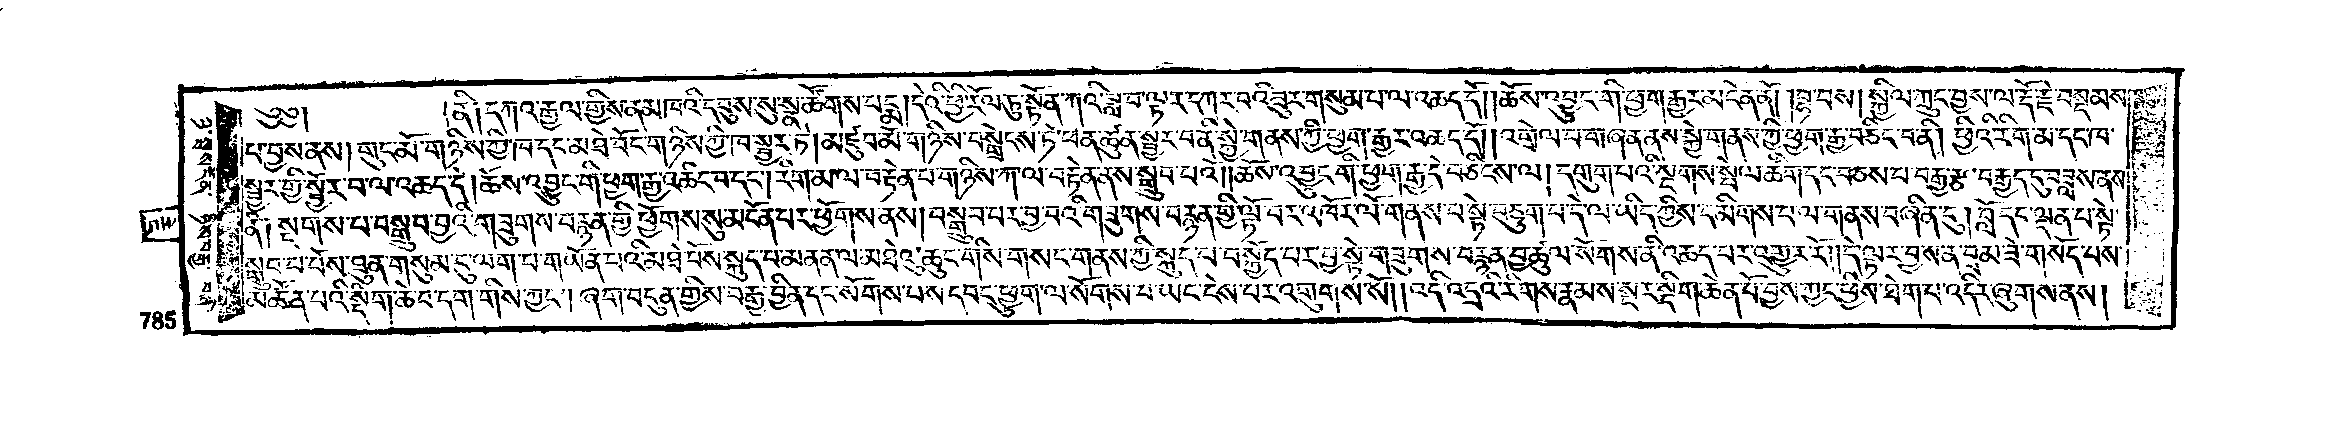༄༅། །ནི། དཀའ་རྒྱལ་གྱིས་ནམ་མཁའི་དབུས་སུ་སྣ་ཚོགས་པདམ། དེའི་ཕྱི་རོལ་ཏུ་སྟོན་ཀའི་ཟླ་བ་ལྟར་དཀར་བའི་ཟུར་གསུམ་པ་ལ་འཆད་དོ། །ཆོས་འབྱུང་གི་ཕྱག་རྒྱར་མངོན་ནོ། །བྷ་བས། སྐྱིལ་ཀྲུང་བྱས་ལ་རྡོ་རྗེ་བསྡམས་
པ་བྱས་ནས། གུང་མོ་གཉིས་ཀྱི་ཁ་དང་མཐེ་བོང་གཉིས་ཀྱི་ཁ་སྦྱར་ཏེ། མཛུབ་མོ་གཉིས་བསྒྲེངས་ཏེ་ཕན་ཚུན་སྦྱར་བ་ནི་སྐྱེ་གནས་ཀྱི་ཕྱག་རྒྱར་འཆད་དོ། །འགྲེལ་པ་གཞན་ནས་སྐྱེ་གནས་ཀྱི་ཕྱག་རྒྱ་བཅིང་བ་ནི། ཕྱིའི་རིག་མ་དང་ཁ་
སྦྱར་གྱི་སྦྱོར་བ་ལ་འཆད་དེ། ཆོས་འབྱུང་གི་ཕྱག་རྒྱ་འཆིང་བ་དང་། རིག་མ་ལ་བརྟེན་པ་གཉིས་ཀ་ལ་བརྟེན་ནས་སྒྲུབ་པའོ། །ཆོས་འབྱུང་གི་ཕྱག་རྒྱ་དེ་བཅིངས་ལ། དགུག་པའི་སྔགས་སྤེལ་ཚིག་དང་བཅས་པ་བརྒྱ་རྩ་བརྒྱད་དུ་བཟླས་ནས་
ནི། སྔགས་པ་བསྒྲུབ་བྱའི་གཟུགས་བརྙན་གྱི་ཕྱོགས་སུ་མངོན་པར་ཕྱོགས་ནས། བསྒྲུབ་པར་བྱ་བའི་གཟུགས་བརྙན་གྱི་ལྟོ་བར་འཁོར་ལོ་གནས་པ་སྟེ་བཅུག་པ་དེ་ལ་ཡིཀད་ཀྱིས་དམིགས་པ་ལ་གནས་བཞིན་དུ། བློ་དང་ལྡན་པ་སྟེ་
སྒྲུབ་པ་པོས་ཐུན་གསུམ་དུ་ལག་པ་གཡོན་པའི་མཐེ་པོས་སྐུད་པ་མནན་ལ་མཐེའུ་ཆུང་གིས་གསང་གནས་ཀྱི་སྐུད་པ་བསྐྱོད་པར་བྱ་སྟེ་གཟུགས་བརྙན་བྱ་ཚུལ་སོགས་ནི་འཆད་པར་འགྱུར་རོ། །དེ་ལྟར་བྱས་ན་བྲམ་ཟེ་གསོད་པས་
མཚོན་པའི་སྡིག་ཆེ་བ་དག་གིས་ཀྱང་། ཞག་བདུན་གྱིས་བརྒྱ་བྱིན་དང་སོགས་པས་དབང་ཕྱུག་ལ་སོགས་པ་ཡང་ངེས་པར་འགུགས་སོ། །འདི་འདྲའི་རིགས་རྣམས་སྔར་སྡིག་ཆེན་པོ་བྱས་ཀྱང་ཕྱིས་ཐེག་པ་འདིར་ཞུགས་ནས།